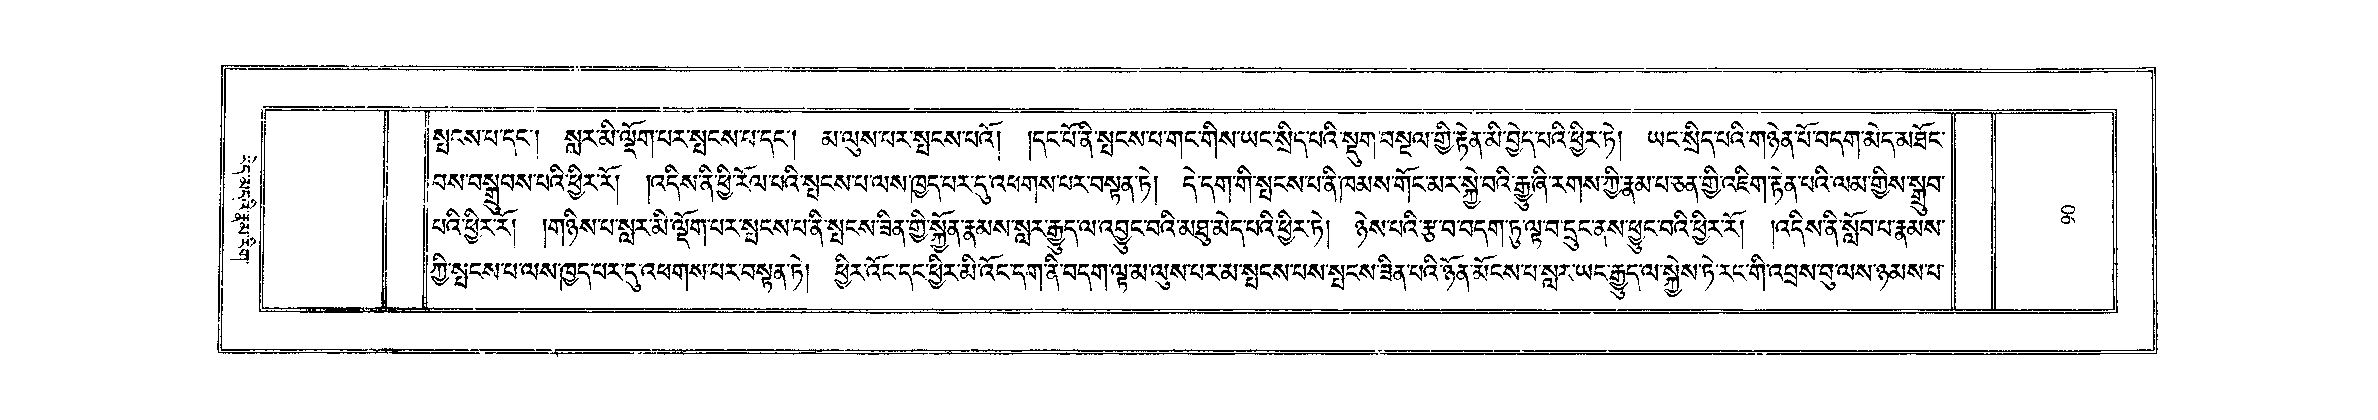སྤངས་པ་དང་། སླར་མི་ལྡོག་པར་སྤངས་པ་དང་། མ་ལུས་པར་སྤངས་པའོ། །དང་པོ་ནི་སྤངས་པ་གང་གིས་ཡང་སྲིད་པའི་སྡུག་བསྔལ་གྱི་རྟེན་མི་བྱེད་པའི་ཕྱིར་ཏེ། ཡང་སྲིད་པའི་གཉེན་པོ་བདག་མེད་མཐོང་
བས་བསྒྲུབས་པའི་ཕྱིར་རོ། །འདིས་ནི་ཕྱི་རོལ་པའི་སྤངས་པ་ལས་ཁྱད་པར་དུ་འཕགས་པར་བསྟན་ཏེ། དེ་དག་གི་སྤངས་པ་ནི་ཁམས་གོང་མར་སྐྱེ་བའི་རྒྱུ་ཞི་རགས་ཀྱི་རྣམ་པ་ཅན་གྱི་འཇིག་རྟེན་པའི་ལམ་གྱིས་སྒྲུབ་
པའི་ཕྱིར་རོ། །གཉིས་པ་སླར་མི་ལྡོག་པར་སྤངས་པ་ནི་སྤངས་ཟིན་གྱི་སྐྱོན་རྣམས་སླར་རྒྱུད་ལ་འབྱུང་བའི་མཐུ་མེད་པའི་ཕྱིར་ཏེ། ཉེས་པའི་རྩ་བ་བདག་ཏུ་ལྟ་བ་དྲུང་ནས་ཕྱུང་བའི་ཕྱིར་རོ། །འདིས་ནི་སློབ་པ་རྣམས་
ཀྱི་སྤངས་པ་ལས་ཁྱད་པར་དུ་འཕགས་པར་བསྟན་ཏེ། ཕྱིར་འོང་དང་ཕྱིར་མི་འོང་དག་ནི་བདག་ལྟ་མ་ལུས་པར་མ་སྤངས་པས་སྤངས་ཟིན་པའི་ཉོན་མོངས་པ་སླར་ཡང་རྒྱུད་ལ་སྐྱེས་ཏེ་རང་གི་འབྲས་བུ་ལས་ཉམས་པ་